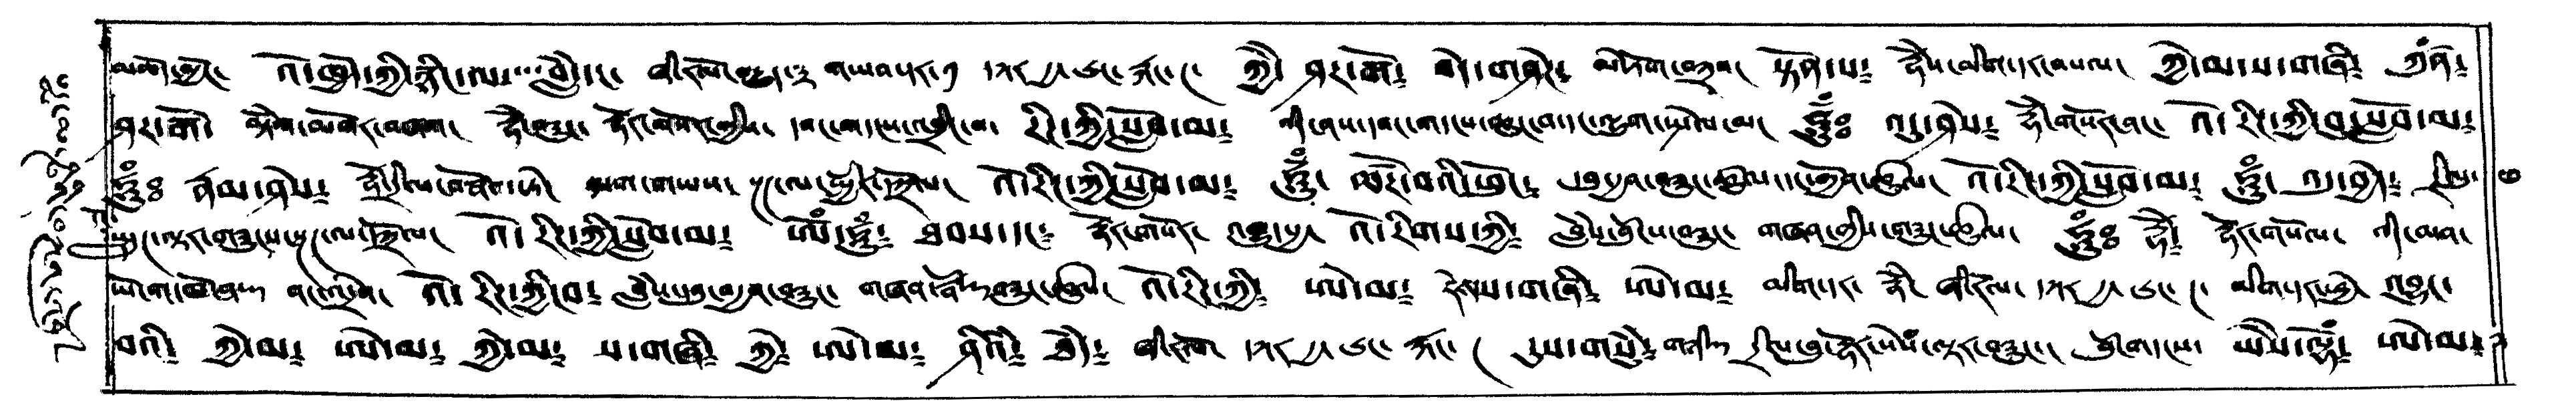མཆོད་མྱོང་། འོ་ཁྱོད་ཀྱི་སྙིང་ལ་བླ་མ་དང་། ཞི་རོལ་བརྒྱུད་གསུམ། གཡབ་དར་གཅིག དཀར། རྒྱ། དུང་། རྐང་། ཌཱ། ཀྱཻ་ཤར་སྒོ༴ བདེ་གཤེགས༴ མེ་ཏོག་བཀྲམ། སྟོན་པ༴ རྡོ་རྗེས་མིག་དར་བསལ། ཀྱེ་མ་ས་གཞི༴ ཀུན་བཟང༴ 
ཤར་སྒོ། མེ་ཏོག་མགོར་བཞག། རྡོ་རྗེ་བཟུང་། རྡོར་གསེར་གྱིས། དབང་གདངས་འབྲིང་བ། རིགས་ཀྱི་སློབ་མ༴ འདིནས་དབང་གདངས་ཆུང་བ་དང་ལྷུག་སྤེལ་མ། ཧཱུྃཿ འདུ་ཤེས༴ རྡོ་རྗེ་གསེར་ནང་། འོ་རིགས་ཀྱི་བུ་སློབ་མ༴ 
ཧཱུྃཿ རྣམ་ཤེས༴ རྡོ་དྲིལ་བསྣོལ་ཏེ། ལག་གཡས། སྔགས་ལ་སྤྱི་བོར་དཀྲོལ། འོ་རིགས་ཀྱི་སློབ་མ༴ ཧཱུྃ། ཚོར་བའི་ཕུང་པོ༴ དབུ་རྒྱན་བཟུང་ཚུལ་དང་གྱོན་ཚུལ།འོ་རིགས་ཀྱི་སློབ་མ༴ ཧཱུྃ། འདུ་བྱེད༴ དྲིལ་བུ་
དཀྲོལ་ལྟར་གཟུངས་སྔགས་ལ་དཀྲོལ། འོ་རིགས་ཀྱི་སློབ་མ༴ ཨོཾ་ཧཱུྃ༴ ཐབས་དང༴ རྡོར་གསེར། འཁྱུད་རྒྱ། འོ་རིགས་ཀྱི༴ བླ་མས་བུམ་པ་བཟུང་། གཞན་གྱིས་གཟུང་ཚུལ། ཧཱུྃཿ རྡོ་རྗེ༴ རྡོར་གསོལ། འདི་མན་
ཡོ་ག་ཁོ་ནས། ནང་འདྲེན། འོ་རིགས་ཀྱི་བུ༴ བླ་མས་དབུ་བརྒྱན་བཟུང་། གཞན་རྣམས་གཟུང་ཚུལ། འོ་རིགས་ཀྱི༴ ཨེ་མ༴ དེ་ནས་ས་གཞི༴ ཨེ་མ༴ མིག་དར། རྡོ་རྗེ། ཞི་རོལ། དཀར། རྒྱ། དུང་། ཌཱ། མིག་དར་ཕྱེ། འབྱུང་
བའི༴ ཀྱེ་མ༴ ཨེ་མ༴ ཀྱེ་མ༴ ས་གཞི༴ ཀྱེ༴ ཨེ་མ༴ ཤིའམ༴ ཐམས་ཅད༴ ཞི་རོལ། དཀར། རྒྱ། དུང་། རྐང་། ཌཱ། དུས་གསུམ༴ གཉིས། དྲིལ་བུ་རྡོར་སེམས་ལྟར་བཟུང་། བུམ་གདངས། ཡེ་ཤེས་ལྷ་མོ༴ ཨེ་མ༴